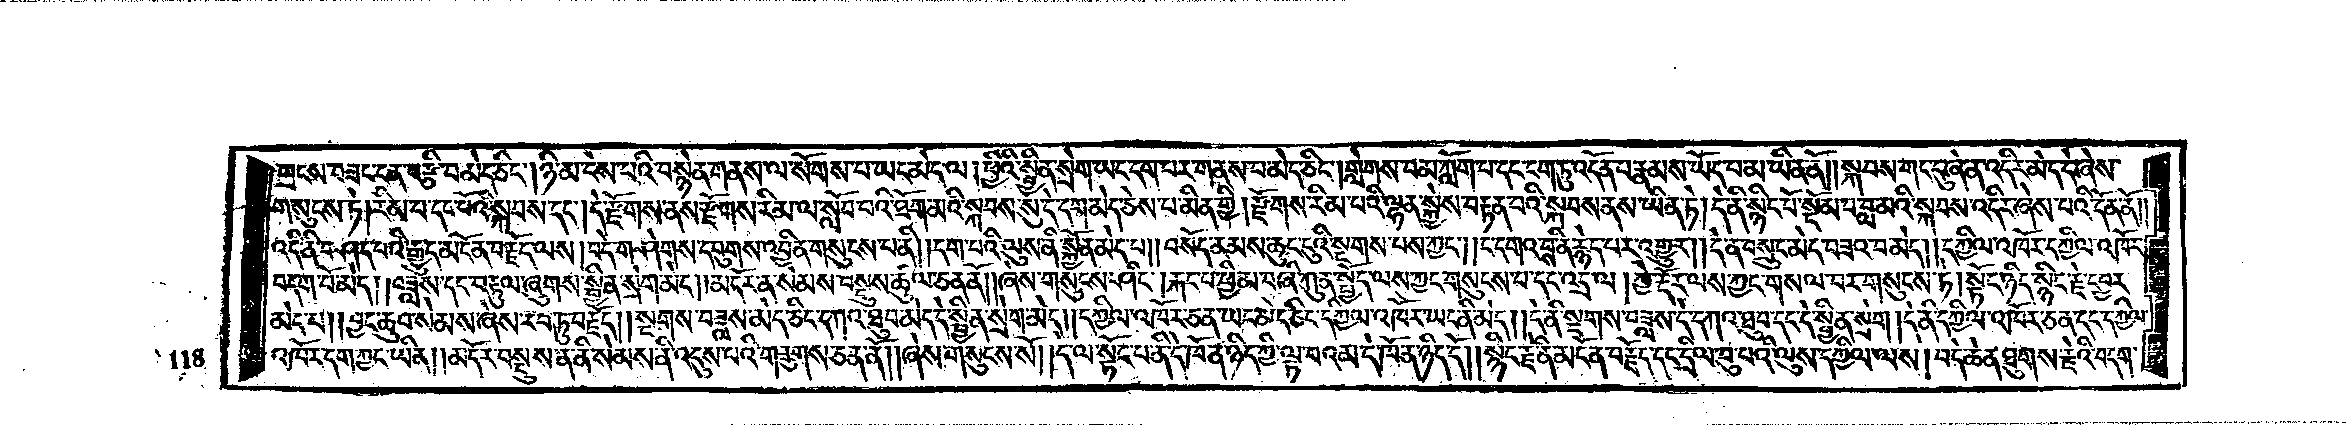གྲངས་བཟང་ངན་བརྩི་བ་མེད་ཅིང་། ཉི་མ་ངེས་པའི་བསྙེན་གནས་ལ་སོགས་པ་ཡང་མེད་ལ། ཕྱིའི་སྦྱིན་སྲེག་ཡང་དག་པར་གནས་པ་མེད་ཅིང་། གླེགས་བམ་ཀློག་པ་དང་ངག་ཏུ་འདོན་པ་རྣམས་ཡོད་པ་མ་ཡིན་ནོ། །སྐབས་གང་དུ་ཞེ་ན་འདིར་མེད་དེ་ཞེས་
གསུངས་ཏེ། རིམ་པ་དང་པོའི་སྐབས་དང་། དེ་རྫོགས་ནས་རྫོགས་རིམ་ལ་སློབ་པའི་ཐོག་མའི་སྐབས་སུ་དེ་དག་མེད་ཅེས་པ་མིན་གྱི། རྫོགས་རིམ་པའི་ལྷན་སྐྱེས་བརྟན་པའི་སྐབས་ནས་ཡིན་ཏེ། དེ་ནི་སྙིང་པོ་སྡོམ་པ་བླ་མའི་སྐབས་འདིར་ཞེས་པའི་དོན་ནོ། །
འདི་ནི་བཤད་པའི་རྒྱུད་མངོན་བརྗོད་ལས། བདེ་གཤེགས་དབུགས་འབྱིན་གསུངས་པ་ནི། །དག་པའི་ལུས་ནི་སྐྱོན་མེད་པ། །བསོད་ནམས་ཆུང་ངུའི་སྔགས་པས་ཀྱང་། །ང་དགའ་བས་ནི་རྙེད་པར་འགྱུར། །དེ་ན་བསྲུང་མེད་བཟའ་བ་མེད། །དཀྱིལ་འཁོར་དཀྱིལ་འཁོར་
བདག་པོ་མེད། །བཟླས་དང་བརྟུལ་ཞུགས་སྦྱིན་སྲེག་མེད། །མདོར་ན་སེམས་བསྡུས་ཚུལ་ཅན་ནོ། །ཞེས་གསུངས་ཤིང་། རྐང་པ་ཕྱི་མ་བཞི་ཀུན་སྤྱོད་ལས་ཀྱང་གསུངས་པ་དང་འདྲ་ལ། ཀྱེ་རྡོར་ལས་ཀྱང་གསལ་བར་གསུངས་ཏེ། སྟོང་ཉིད་སྙིང་རྗེ་དབྱེར་
མེད་པ། །བྱང་ཆུབ་སེམས་ཞེས་རབ་ཏུ་བརྗོད། །སྔགས་བཟླས་མེད་ཅིང་དཀའ་ཐུབ་མེད་དེ་སྦྱིན་སྲེག་མེད། །དཀྱིལ་འཁོར་ཅན་ཡང་མེད་ཅིང་དཀྱིལ་འཁོར་ཡང་ནི་མེད། །དེ་ནི་སྔགས་བཟླས་དེ་དཀའ་ཐུབ་དང་དེ་སྦྱིན་སྲེག །དེ་ནི་དཀྱིལ་འཁོར་ཅན་དང་དཀྱིལ་
འཁོར་དག་ཀྱང་ཡིན། །མདོར་བསྡུས་ན་ནི་སེམས་ནི་འདུས་པའི་གཟུགས་ཅན་ནོ། །ཞེས་གསུངས་སོ། །དེ་ལ་སྟོང་པ་ནི་དེ་ཁོ་ན་ཉིད་ཀྱི་ལྟ་བའམ་དེ་ཁོ་ན་ཉིད་དོ། །སྙིང་རྗེ་ནི་མངོན་བརྗོད་དང་དྲིལ་བུ་པའི་ལུས་དཀྱིལ་ལས། བདེ་ཆེན་ཐུགས་རྗེའི་བདག་